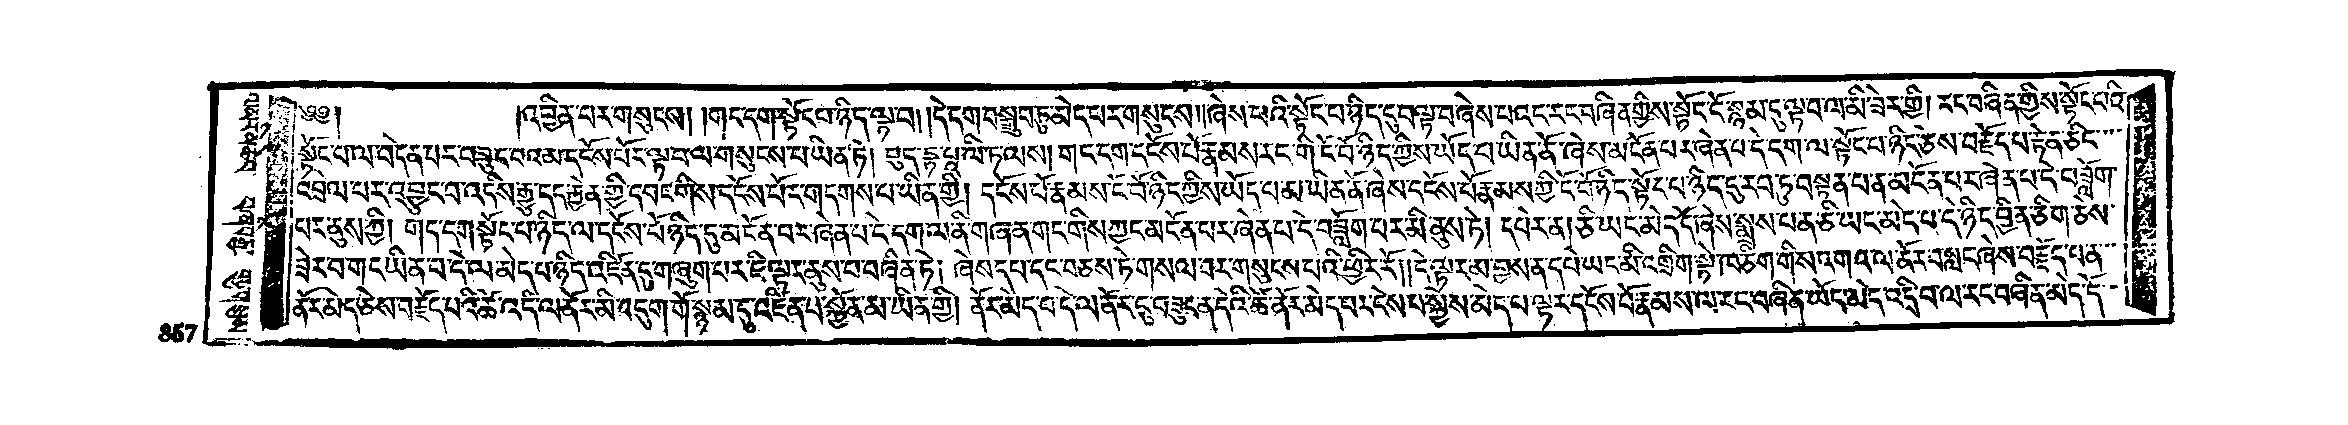༄༅། །འབྱིན་པར་གསུངས། །གང་དག་སྟོང་པ་ཉིད་ལྟ་བ། །དེ་དག་བསྒྲུབ་ཏུ་མེད་པར་གསུངས། །ཞེས་པའི་སྟོང་པ་ཉིད་དུ་བལྟ་བ་ཞེས་པའང་རང་བཞིན་གྱིས་སྟོང་ངོ་སྙམ་དུ་ལྟ་བ་ལ་མི་ཟེར་གྱི། རང་བཞིན་གྱིས་སྟོང་པའི་
སྟོང་པ་ལ་བདེན་པར་བཟུང་བའམ་དངོས་པོར་ལྟ་བ་ལ་གསུངས་པ་ཡིན་ཏེ། བུད་དྷ་པཱ་ལི་ཏ་ལས། གང་དག་དངོས་པོ་རྣམས་རང་གི་ངོ་བོ་ཉིད་ཀྱིས་ཡོད་པ་ཡིན་ནོ་ཞེས་མངོན་པར་ཞེན་པ་དེ་དག་ལ་སྟོང་པ་ཉིད་ཅེས་བརྗོད་པ་རྟེན་ཅིང་
འབྲེལ་པར་འབྱུང་བ་འདིས་རྒྱུ་དང་རྐྱེན་གྱི་དབང་གིས་དངོས་པོར་གདགས་པ་ཡིན་གྱི། དངོས་པོ་རྣམས་ངོ་བོ་ཉིད་ཀྱིས་ཡོད་པ་མ་ཡིན་ནོ་ཞེས་དངོས་པོ་རྣམས་ཀྱི་ངོ་བོ་ཉིད་སྟོང་པ་ཉིད་དུ་རབ་ཏུ་བསྟན་པ་ན་མངོན་པར་ཞེན་པ་དེ་བཟློག་
པར་ནུས་ཀྱི། གང་དག་སྟོང་པ་ཉིད་ལ་དངོས་པོ་ཉིད་དུ་མངོན་པར་ཞེན་པ་དེ་དག་ལ་ནི་གཞན་གང་གིས་ཀྱང་མངོན་པར་ཞེན་པ་དེ་བཟློག་པར་མི་ནུས་ཏེ། དཔེར་ན། ཅི་ཡང་མེད་དོ་ཞེས་སྨྲས་པ་ན་ཅི་ཡང་མེད་པ་དེ་ཉིད་བྱིན་ཅིག་ཅེས་
ཟེར་བ་གང་ཡིན་པ་དེ་ལ་མེད་པ་ཉིད་འཛིན་དུ་གཞུག་པར་ཇི་ལྟར་ནུས་པ་བཞིན་ཏེ། ཞེས་དཔེ་དང་བཅས་ཏེ་གསལ་བར་གསུངས་པའི་ཕྱིར་རོ། །དེ་ལྟར་མ་བྱས་ན་དཔེ་ཡང་མི་འགྲིག་སྟེ་ཁ་ཅིག་གིས་འགའ་ལ་ནོར་བསླང་ཞེས་བརྗོད་པ་ན་
ནོར་མེད་ཅེས་བརྗོད་པའི་ཚེ་འདི་ལ་ནོར་མི་འདུག་གོ་སྙམ་དུ་འཛིན་པ་སྐྱོན་མ་ཡིན་གྱི། ནོར་མེད་པ་དེ་ལ་ནོར་དུ་བཟུང་ན་དེའི་ཚེ་ནོར་མེད་པར་ངེས་པ་སྐྱེས་མེད་པ་ལྟར་དངོས་པོ་རྣམས་ལ་རང་བཞིན་ཡོད་མེད་འདྲི་བ་ལ་རང་བཞིན་མེད་དོ་